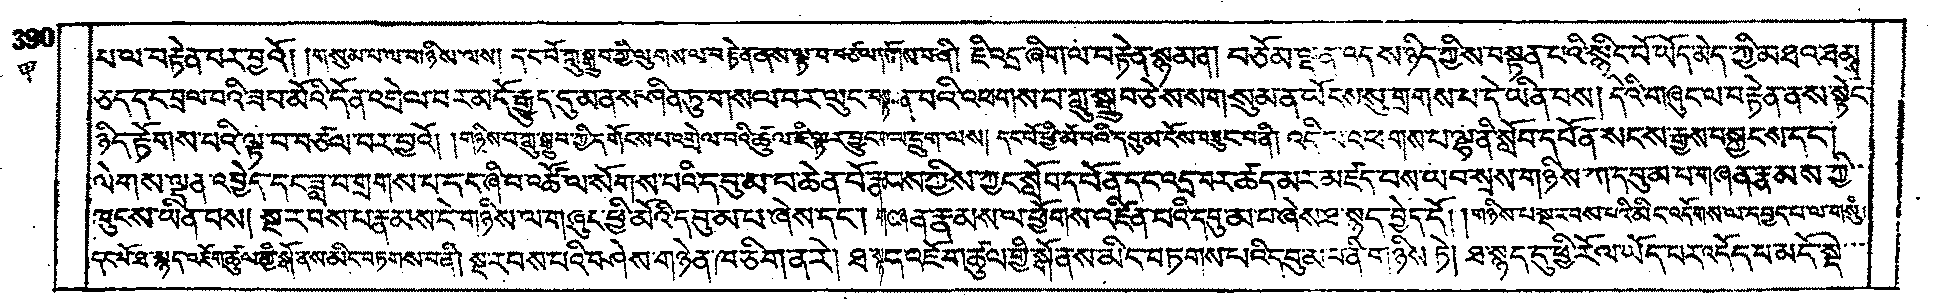པ་ལ་བརྟེན་པར་བྱའོ། །གསུམ་པ་ལ་གཉིས་ལས། དང་པོ་ཀླུ་སྒྲུབ་ཀྱི་ལུགས་ལ་བརྟེན་ནས་ལྟ་བ་བཙལ་དགོས་པ་ནི།  ཇི་འདྲ་ཞིག་ལ་བརྟེན་སྙན་ན། བཅོམ་ལྡན་འདས་ཉིད་ཀྱིས་བསྟན་པའི་སྙིང་པོ་ཡོད་མེད་ཀྱི་མཐའ་ཐམས་
ཅད་དང་བྲལ་བའི་ཟབ་མོའི་དོན་འགྲེལ་བར་མདོ་རྒྱུད་དུ་མ་ནས་ཤིན་ཏུ་གསལ་བར་ལུང་བསྟན་པའི་འཕགས་པ་ཀླུ་སྒྲུབ་ཅེས་ས་གསུམ་ན་ཡོངས་སུ་གྲགས་པ་དེ་ཡིན་པས། དེའི་གཞུང་ལ་བརྟེན་ནས་སྟོང་
ཉིད་རྟོགས་པའི་ལྟ་བ་བཙལ་བར་བྱའོ། །གཉིས་པ་ཀླུ་སྒྲུབ་ཀྱི་དགོངས་པ་འགྲེལ་པའི་ཚུལ་ཇི་ལྟར་བྱུང་བ་ལ་དྲུག་ལས། དང་པོ་ཕྱི་མོ་བའི་དབུ་མ་ངོས་བཟུང་བ་ནི།  འདི་ལ་འཕགས་པ་ལྷ་ནི་སློབ་དཔོན་སངས་རྒྱས་བསྐྱངས་དང་།
ལེགས་ལྡན་འབྱེད་དང་ཟླ་བ་གྲགས་པ་དང་ཞི་བ་འཚོ་ལ་སོགས་པའི་དབུ་མ་པ་ཆེན་པོ་རྣམས་ཀྱིས་ཀྱང་སློབ་དཔོན་དང་འདྲ་བར་ཚད་མར་མཛད་པས་ཡབ་སྲས་གཉིས་ཀ་དབུ་མ་པ་གཞན་རྣམས་ཀྱི་
ཁུངས་ཡིན་པས། སྔ་རབས་པ་རྣམས་དེ་གཉིས་ལ་གཞུང་ཕྱི་མོའི་དབུ་མ་པ་ཞེས་དང་། གཞན་རྣམས་ལ་ཕྱོགས་འཛིན་པའི་དབུ་མ་པ་ཞེས་ཐ་སྙད་བྱེད་དོ། །གཉིས་པ་སྔ་རབས་པའི་མིང་འདོགས་ལ་དཔྱད་པ་ལ་གསུཾ
དང་པོ་ཐ་སྙད་འཇོག་ཚུལ་གྱི་སྒོ་ནས་མིང་བཏགས་པ་ནི། སྔ་རབས་པའི་བཤེས་གཉེན་ཁ་ཅིག་ན་རེ། ཐ་སྙད་འཇོག་ཚུལ་གྱི་སྒོ་ནས་མིང་བཏགས་པའི་དབུ་མ་པ་ནི་གཉིས་ཏེ། ཐ་སྙད་དུ་ཕྱི་རོལ་ཡོད་པར་འདོད་པ་མདོ་སྡེ་